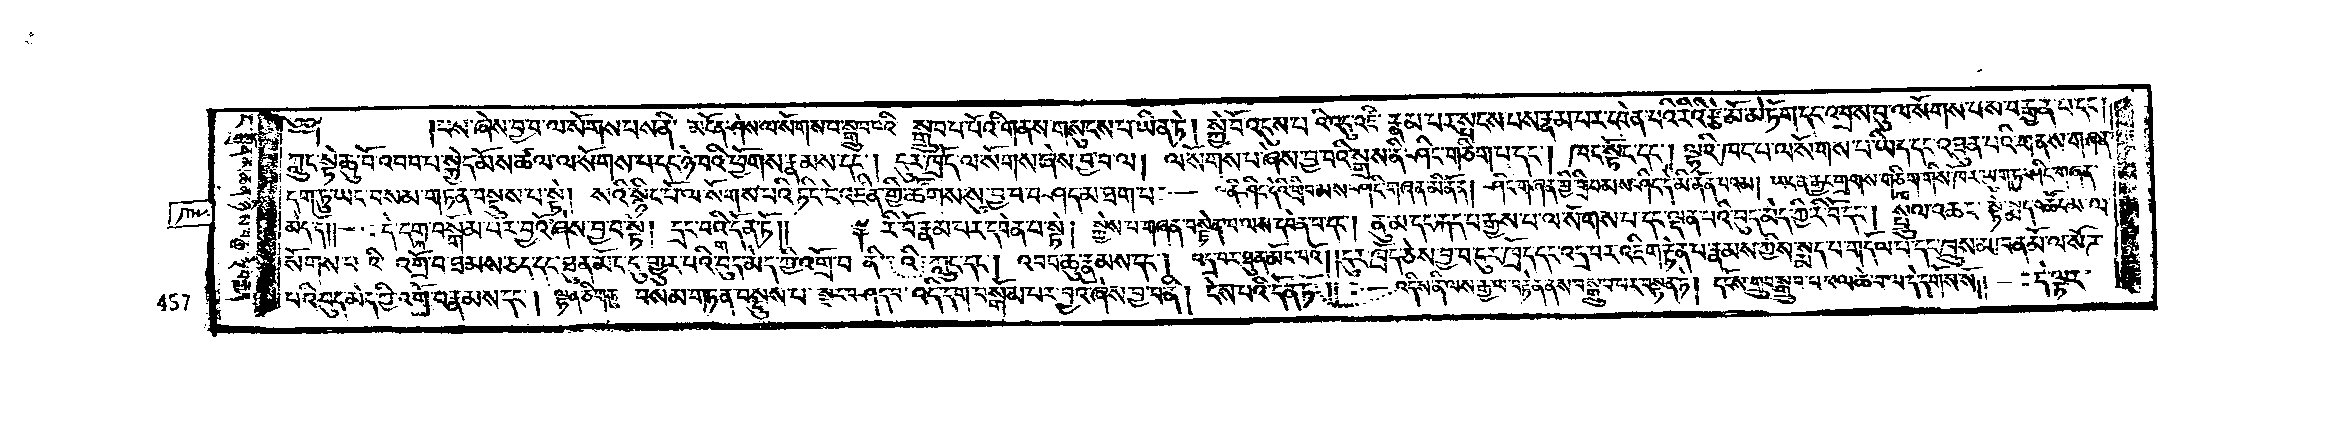༄༅། །པས་ཞེས་བྱ་བ་ལ་སོགས་པས་ནི་མངོན་ཤེས་ལ་སོགས་པ་སྒྲུབ་པའི་སྒྲུབ་པ་པོའི་གནས་གསུངས་པ་ཡིན་ཏེ། སྐྱེ་བོ་འདུས་པའི་འདུ་འཛི་རྣམ་པར་སྤངས་པས་རྣམ་པར་དབེན་པའི་རིའི་རྩེ་མོ་མེ་ཏོག་དང་འབྲས་བུ་ལ་སོགས་པས་བརྒྱན་པ་དང་།
ཀླུང་སྟེ་ཆུ་བོ་འབབ་པ་སྐྱེད་མོས་ཚལ་ལ་སོགས་པ་དང་ཉེ་བའི་ཕྱོགས་རྣམས་དང་། དུར་ཁྲོད་ལ་སོགས་ཞེས་བྱ་བ་ལ། ལ་སོགས་པ་ཞེས་བྱ་བའི་སྒྲས་ནི་ཤིང་གཅིག་པ་དང་། ཁང་སྟོང་དང་། ལྷའི་ཁང་པ་ལ་སོགས་པ་ཡིད་དང་འཐུན་པའི་གནས་གདན་
དག་ཏུ་ཡང་བསམ་གཏན་བསྡུས་པ་སྟེ། སའི་སྙིང་པོ་ལ་སོགས་པའི་ཏིང་ངེ་འཛིན་གྱི་ཚོགས་སུ་བྱ་བ་བཤད་མ་ཐག་པཿ་༈ནི་ཤིང་དེའི་གྲིབ་མས་ཤིང་གཞན་མི་ནོན། ཤིང་གཞན་གྱི་གྲིབ་མས་ཤིང་དེ་མི་ནོན་པའམ། ཡང་ན་རྒྱང་གྲགས་གཅིག་གིས་ཁོར་ཡུག་ཏུ་ཤིང་གཞན་
མེད་དོ།།.H དེ་དག་བསྒོམ་པར་བྱའོ་ཞེས་བྱ་བ་སྟེ། དྲང་བའི་དོན་ཏོ།། ༈ རི་བོ་རྣམ་པར་དབེན་པ་སྟེ། སྐྱེས་པ་གཞན་བསྟེན་པ་ལས་དབེན་པ་དང་། ནུ་མ་དང་རྐད་པ་རྒྱས་པ་ལ་སོགས་པ་དང་ལྡན་པའི་བུད་མེད་ཀྱི་རི་བོ་དང་། ཁ་སྤྲུལ་འཆོང་སྟེ་སྨད་འཚོང་མ་ལ་
སོགས་པའི་ཀ་འགྲོ་བ་ཐམས་ཅད་དང་ཐུན་མོང་དུ་གྱུར་པའི་ག་བུད་མེད་ཀྱི་འགྲོ་བ་ནི་འི་ཀླུང་དང་། འབབ་ཆུ་རྣམས་དང་། འདྲ་བར་ཐུན་མོང་བའོ། །དུར་ཁྲོད་ཅེས་བྱ་བ་དུར་ཁྲོད་དང་འདྲ་བར་འཇིག་རྟེན་པ་རྣམས་ཀྱིས་སྨད་པ་གདོལ་པ་དང་ཁྲུས་མཁན་མོ་ལ་སོཌ་
པའི་བུད་མེད་ཀྱི་འགྲོ་བ་རྣམས་དང་། ལྷན་ཅིག་ཏུ་བསམ་གཏན་བསྡུས་པ་སྔར་བཤད་པ་འདི་དག་བསྒོམ་པར་བྱའོ་ཞེས་བྱ་བ་ནི། ངེས་པའི་དོན་ཏོ།།H.་འདིས་ནི་ལས་རྒྱ་ལ་བརྟེན་ནས་བསྒྲུབ་པར་བསྟན་ཏེ། དངོས་གྲུབ་སྒྲུབ་པ་ཕལ་ཆེ་བ་ལ་དེ་དགོས་སོ།། .H དེ་ལྟར་